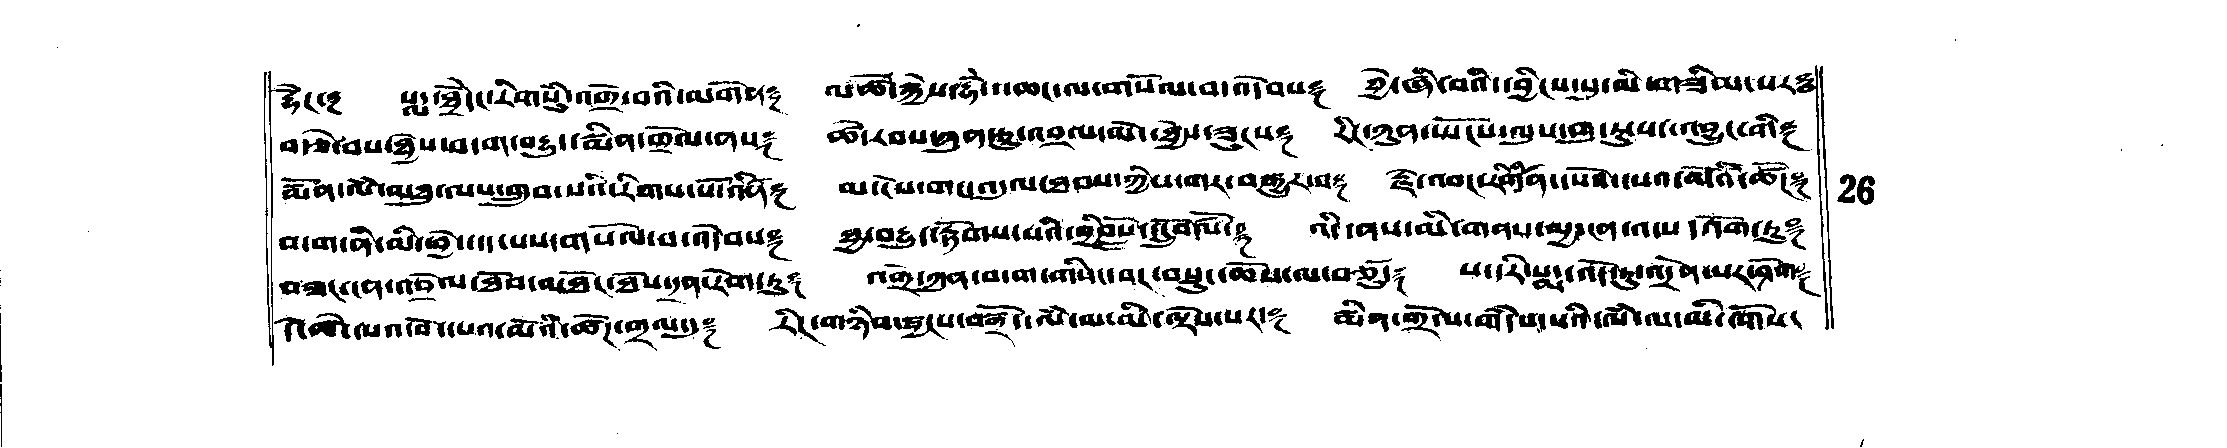རྡོ་རྗེ་འཆང་། །པདྨ་ཐོད་ཕྲེང་རིགས་གསུམ་འགྲོ་བའི་མགོན། །མཚོ་སྐྱེས་རྡོ་རྗེ་འཆང་ལ་གསོལ་བ་འདེབས། །ཐུགས་རྗེ་ཞི་བའི་དབྱིངས་སུ་མི་གཟིམ་པར། །
བརྩེ་བས་ཐུགས་རྗེས་བདག་བརྒྱུད་སྨིན་གྲོལ་ནས། །ཚེ་རབས་ཀུན་ཏུ་འབྲལ་མེད་ཐུགས་རྗེས་ཟུངས། །རིགས་ཀུན་ཡོངས་འདུས་གུ་རུ་པད་འབྱུང་གི། །
སྨོན་ལམ་མཐུ་ལས་གྲུབ་པའི་རིགས་པ་འཛིན། །མ་ངེས་གང་འདུལ་ཐབས་ཀྱིས་གར་བསྒྱུར་བ། །རྗེ་འབངས་རིག་འཛིན་དཔའ་བོ་དཔའ་མོའི་ཚོགས། །
བདག་ནི་མི་ཕྱེད་དད་པས་གསོལ་བ་འདེབས། །ཐུགས་བརྒྱུད་རྟོགས་པའི་བྱིན་རློབས་དངོས་གྲུབ་སྩོལ། །འདི་ནས་མི་གནས་མྱ་ངན་འདས་འོག་ཏུ། །
བཟང་ངན་འབྲེལ་ཐོབ་མཐོང་ཐོས་དྲན་རེག་ཏུ། །འགྲོ་ཀུན་བདག་གིས་དབང་བསྡུད་ཆོས་ལ་བཙུད། །དཔལ་རིར་པདྨ་འོད་དུ་འདྲེན་པར་ཤོག།
དེ་ཚེ་དཔའ་བོ་དཔའ་མོའི་ཚོགས་གྲལ་དུ། །རིགས་གཉིས་སྦྱངས་བགྲོད་ལམ་ལ་མི་ལྟོས་པར། །སྨིན་གྲོལ་གདམས་པའི་ལམ་ལ་མི་དགོས་